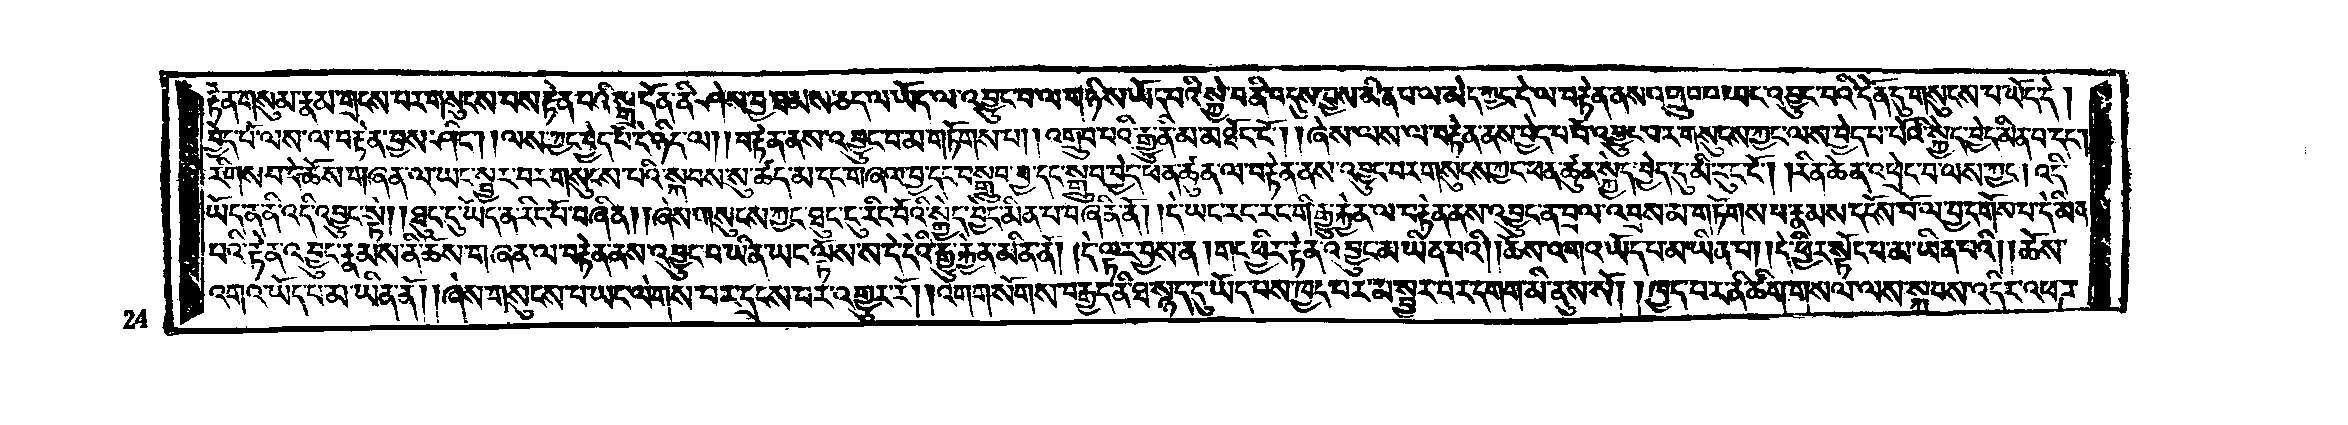རྟེན་གསུམ་རྣམ་གྲངས་པར་གསུངས་པས་རྟེན་པའི་སྒྲ་དོན་ནི་ཤེས་བྱ་ཐམས་ཅད་ལ་ཡོད་ལ་འབྱུང་བ་ལ་གཉིས་ཡོད་པའི་སྐྱེ་བ་ནི་འདུས་བྱས་མིན་པ་ལ་མེད་ཀྱང་དེ་ལ་བརྟེན་ནས་འགྲུབ་པ་ཡང་འབྱུང་བའི་དོན་དུ་གསུངས་པ་ཡོད་དེ།
བྱེད་པོ་ལས་ལ་བརྟེན་བྱས་ཤིང་། །ལས་ཀྱང་བྱེད་པ་དེ་ཉིད་ལ། །བརྟེན་ནས་འབྱུང་བ་མ་གཏོགས་པ། །འགྲུབ་པའི་རྒྱུ་ནི་མ་མཐོང་ངོ །ཞེས་ལས་ལ་བརྟེན་ནས་བྱེད་པ་པོ་འབྱུང་བར་གསུངས་ཀྱང་ལས་བྱེད་པ་པོའི་སྐྱེད་བྱེད་མིན་པ་དང་།
རིགས་པ་དེ་ཆོས་གཞན་ལ་ཡང་སྦྱར་བར་གསུངས་པའི་སྐབས་སུ་ཚད་མ་དང་གཞལ་བྱ་དང་བསྒྲུབ་བྱ་དང་སྒྲུབ་བྱེད་ཕན་ཚུན་ལ་བརྟེན་ནས་འབྱུང་བར་གསུངས་ཀྱང་ཕན་ཚུན་སྐྱེད་བྱེད་དུ་མི་རུང་ངོ། །རིན་ཆེན་འཕྲེང་བ་ལས་ཀྱང་། འདི་
ཡོད་ན་ནི་འདི་འབྱུང་སྟེ། །ཐུང་དུ་ཡོད་ན་རིང་པོ་བཞིན། །ཞེས་གསུངས་ཀྱང་ཐུང་ངོ་རིང་པོའི་སྐྱེད་བྱེད་མིན་པ་བཞིན་ནོ། །དེ་ཡང་རང་རང་གི་རྒྱུ་རྐྱེན་ལ་བརྟེན་ནས་འབྱུང་ན་བྲལ་འབྲས་མ་གཏོགས་པ་རྣམས་དངོས་པོ་ལ་བྱ་དགོས་པ་དེ་མིན་
པའི་རྟེན་འབྱུང་རྣམས་ནི་ཆོས་གཞན་ལ་བརྟེན་ནས་འབྱུང་བ་ཡིན་ཡང་ལྟོས་ས་དེ་དེའི་རྒྱུ་རྐྱེན་མིན་ནོ། །དེ་ལྟར་བྱས་ན། གང་ཕྱིར་རྟེན་འབྱུང་མ་ཡིན་པའི། །ཆོས་འགའ་ཡོད་པ་མ་ཡིན་པ། དེ་ཕྱིར་སྟོང་པ་མ་ཡིན་པའི། །ཆོས་
འགའ་ཡོད་པ་མ་ཡིན་ནོ། །ཞེས་གསུངས་པ་ཡང་ལེགས་པར་དྲངས་པར་འགྱུར་རོ། །འགག་སོགས་བརྒྱད་ནི་ཐ་སྙད་དུ་ཡོད་པས་ཁྱད་པར་མ་སྦྱར་བར་དགག་མི་ནུས་སོ། །ཁྱད་པར་ནི་ཚིག་གསལ་ལས་སྐབས་འདིར་འཕཌ་